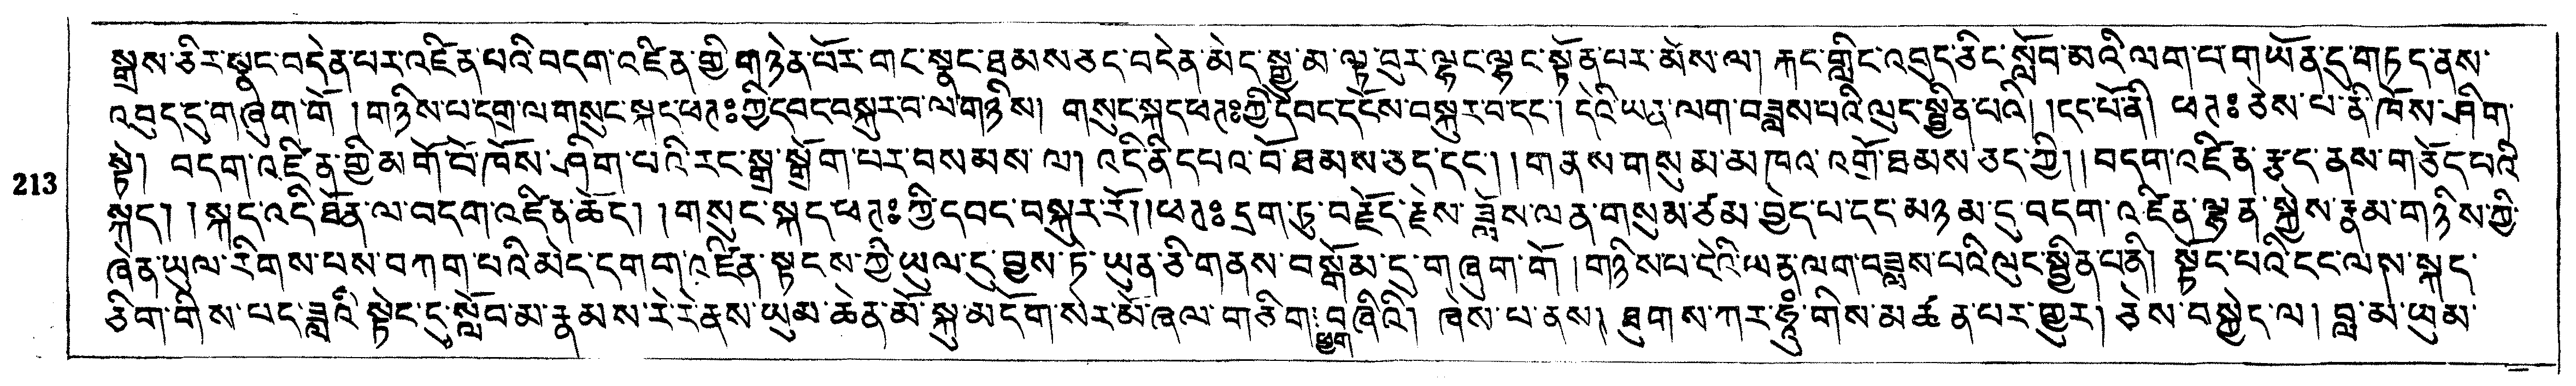སྒྲས་ཅིར་སྣང་བདེན་པར་འཛིན་པའི་བདག་འཛིན་གྱི་གཉེན་པོར་གང་སྣང་ཐམས་ཅད་བདེན་མེད་སྒྱུ་མ་ལྟ་བུར་ལྷང་ལྷང་སྟོན་པར་མོས་ལ། རྐང་གླིང་འབུད་ཅིང་སློབ་མའི་ལག་པ་གཡོན་དུ་གཏད་ནས་
འབུད་དུ་གཞུག་གོ །གཉིས་པ་དགྲ་ལ་གསུང་སྐད་ཕཊཿ ཀྱི་དབང་བསྐུར་བ་ལ་གཉིས། གསུང་སྐད་ཕཊཿ ཀྱི་དབང་དངོས་བསྐུར་བ་དང་། དེའི་ཡན་ལག་བཟླས་པའི་ལུང་སྦྱིན་པའི། །དང་པོ་ནི། ཕཊཿ ཅེས་པ་ནི་ཁོས་ཤིག་
སྟེ། བདག་འཛིན་གྱི་མགོ་བོ་ཁོས་ཤིག་པའི་རང་སྒྲ་སྒྲོག་པར་བསམས་ལ། འདི་ནི་དཔའ་བོ་ཐམས་ཅད་དང་། །གནས་གསུམ་མཁའ་འགྲོ་ཐམས་ཅད་ཀྱི། །བདག་འཛིན་རྩད་ནས་གཅོད་པའི་
སྐད། །སྐད་འདི་ཐོན་ལ་བདག་འཛིན་ཆོད། །གསུང་སྐད་ཕཊཿ ཀྱི་དབང་བསྐུར་རོ། །ཕཊཿ དྲག་ཏུ་བརྗོད་རྗེས་ཟློས་ལན་གསུམ་ཙམ་བྱེད་པ་དང་མཉམ་དུ་བདག་འཛིན་ལྷན་སྐྱེས་རྣམ་གཉིས་ཀྱི་
ཞེན་ཡུལ་རིགས་པས་བཀག་པའི་མེད་དགག་འཛིན་སྟངས་ཀྱི་ཡུལ་དུ་བྱས་ཏེ་ཡུན་ཅི་གནས་བསྒོམ་དུ་གཞུག་གོ །གཉིས་པ་དེའི་ཡན་ལག་བཟླས་པའི་ལུང་སྦྱིན་པ་ནི། སྟོང་པའི་ངང་ལས་སྐད་
ཅིག་གིས་པད་ཟླའི་སྟེང་དུ་སློབ་མ་རྣམས་རེ་རེ་ནས་ཡུམ་ཆེན་མོ་སྐུ་མདོག་སེར་མོ་ཞལ་གཅིག་ཕྱག་བཞིའི། ཞེས་པ་ནས། ཐུགས་ཀར་ཧཱུཾ་གིས་མཚན་པར་གྱུར། ཅེས་བསྐྱེད་ལ། བླ་མ་ཡུམ་